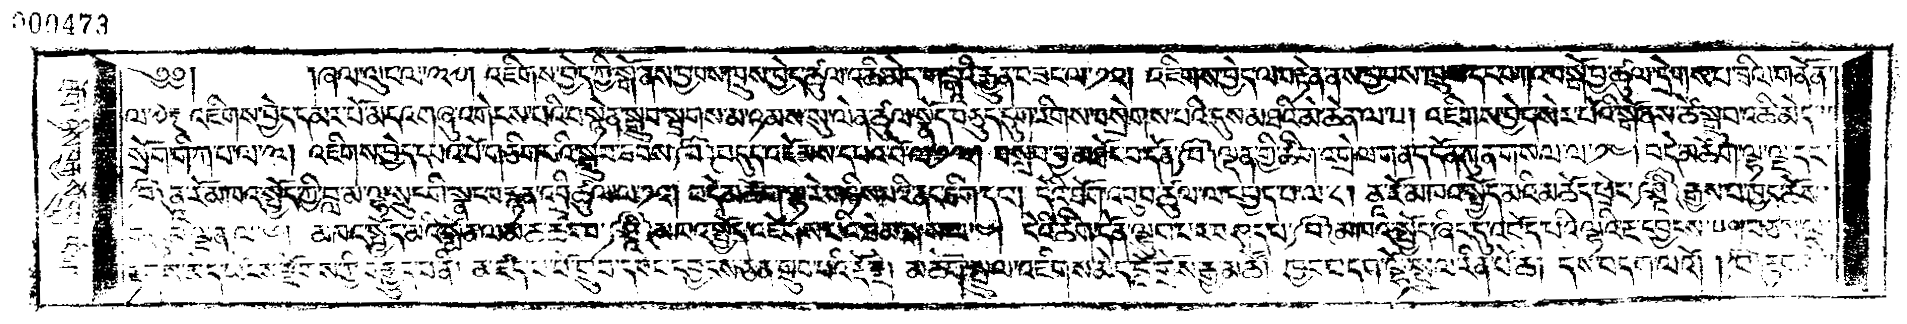༄༅། །ཞལ་ལུང་ལ ༣༧། འཇིགས་བྱེད་ཀྱི་སྒོ་ནས་བྱབས་ཁྲུས་བྱེད་ཚུལ་འཆི་མེད་གངྒའི་རྒྱུན་བཟང་ལ༡༢། འཇིགས་བྱེད་ལ་བརྟེན་ནས་བྱབས་ཁྲུས་དང་བཀའ་བསྒོ་བྱ་ཚུལ་དྲེགས་པ་ཟིལ་གནོན་
ལ༧༑ འཇིགས་བྱེད་དམར་པོ་མདའ་གཞུ་འགེངས་པའི་བསྙེན་སྒྲུབ་སྦྲགས་མ་ཉམས་སུ་ལེན་ཚུལ་སྣོད་བཅུད་དུག་རིགས་བསྲེགས་པའི་དུས་མཐའི་མེ་ཆེན་ལ༥། འཇིགས་བྱེད་སེར་པོའི་སྒོ་ནས་ཚེ་སྒྲུབ་འཆི་མེད་
སྲོག་གི་ཀ་པ་ལ༣། འཇིགས་བྱེད་དཔའ་པོ་གཅིག་པའི་སྒྲུབ་ཐབས ༼བ༽ བདུད་འཇོམས་དཔའ་བོ་ལ༡༣། བསླབ་བྱ་མཐོང་བ་དོན ༼བ༽ ལྡན་གྱི་ཚིག་འགྲེལ་གནད་དོན་ཀུན་གསལ་ལ༡༤། བདེ་མཆོག་ལྷ་ལྔ་དང་
༼བ༽ ནཱ་རོ་མཁའ་སྤྱོད་ཀྱི་བླ་མ་ལྷ་སྲུང་གི་སྣང་བརྙན་འབྲི་ཚུལ་ལ༡༢། བདེ་མཆོག་ལྷ་རེ་གཉིས་པའི་ནང་ཐིག་དང་། དེའི་ཐོག་འབུབ་ཚུལ་ལ་དཔྱད་པ་ལ༨། ནཱ་རོ་མཁའ་སྤྱོད་མའི་མཆོད་ཕྲེང ༼ཤྲཱི༽ རྒྱས་པ་ཁྱད་ཆོས་
གསུམ་ལྡན་ལ༤། མཁའ་སྤྱོད་མའི་སྨོན་ལམ་ཆ་ཚང་བ ༼ཤྲཱི༽ མཁའ་སྤྱོད་འཛེགས་པའི་ཐེམ་སྐས་ལ༤། དེའི་ཚིག་དོན་ལྷུག་པར་བཤད་པ༼བ༽ མཁའ་སྤྱོད་ཞིང་དུ་འབོད་པའི་ལྷའི་རྔ་དབྱངས ༥༠། བཅས་ལས་
རྟགས་མེད་ཡོངས་རྫོགས་ཀྱི་བརྒྱུད་པ་ནི། མཛད་པ་པོ་གྲུབ་དབང་དབྱངས་ཅན་གྲུབ་པའི་རྡོ་རྗེ། མཆོག་སྤྲུལ་འཇིགས་མེད་བློ་གྲོས་རྒྱ་མཚོ། ཁྱབ་བདག་ལྷོ་སྤྲུལ་རིན་པོ་ཆེ། དེས་བདག་ལའོ། །༼བ༽ རྟགས་